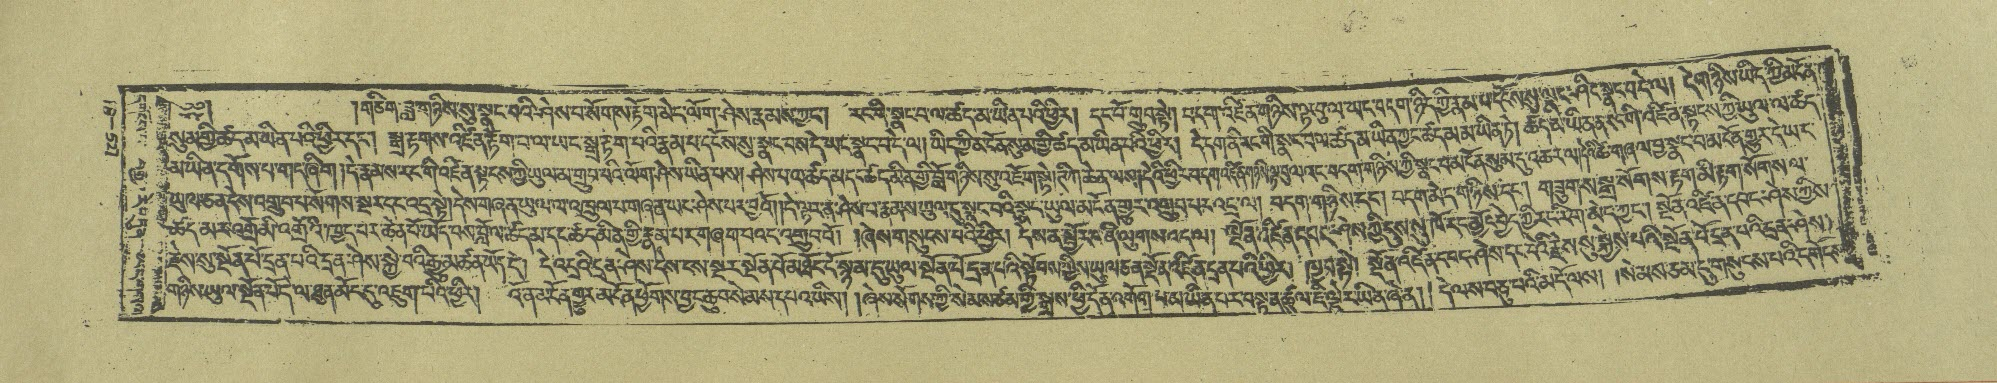༄༅། །གཅིག་ཟླ་གཉིས་སུ་སྨང་པའི་ཤེས་པ་སོགས་རྟོག་མེད་ལོག་ཤེས་རྣམས་ཀྱང་། རང་གི་སྣང་བ་ལ་ཚད་མ་ཡིན་པའི་ཕྱིར། དང་པོ་གྲུབ་སྟེ། བདག་འཛིན་གཉིས་ལྟ་བུ་ལ་ཡང་བདག་ཉིད་ཀྱི་རྣམ་པ་དངོས་སུ་སྣང་ཤིང་སྣང་བ་དེ་ལ། དེ་གཉིས་ཡིད་ཀྱི་མངོན་
སུམ་ཀྱི་ཚད་མ་ཡིན་པའི་ཕྱིར་དང་། སྒྲ་རྟགས་འཛིན་རྟོག་པ་ལ་ཡང་སྒྲ་རྟག་པའི་རྣམ་པ་དངོས་སུ་སྣང་བས་དེ་ཡང་སྣང་བ་དེ་ལ། ཡིད་ཀྱི་མངོན་སུམ་གྱི་ཚད་མ་ཡིན་པའི་ཕྱིར། དེ་དག་ནི་རང་གི་སྣང་བ་ལ་ཚད་མ་ཡིན་ཀྱང་ཚད་མ་མ་ཡིན་ཏེ། ཚད་མ་ཡིན་ན་རང་གི་འཛིན་སྟངས་ཀྱི་ཡུལ་ལ་ཚད་
མ་ཡིན་དགོས་པ་གང་ཞིག །དེ་རྣམས་རང་གི་འཛིན་སྟངས་ཀྱི་ཡུལ་མ་གྲུབ་པའི་ལོག་ཤེས་ཡིན་པས། ཤེས་པ་ལ་ཚད་མ་དང་ཚེད་མིན་གྱི་བློ་གཉིས་སུ་འཇོག་སྟེ། ཊཱིཀ་ཆེན་ལས། དེའི་ཕྱིར་བདག་འཛིན་གཉིས་ལྟ་བུ་ལའང་བདག་གཉིས་ཀྱི་སྣང་བ་མངོན་སུམ་དུ་འཆར་ལ། དེའི་ཚེ་གཞལ་བྱ་སྣང་བ་མངོན་གྱུར་དེ་ཡང་
ཡུལ་ཅན་དེས་འགྲུབ་བ་སོགས་སླར་དང་འདྲ་སྟེ། དེ་གཞན་ཡུལ་ལ་འཁྲུལ་པ་གཞན་ཡང་ཤེས་པར་བྱའོ། །དེ་ལྟར་ན་ཤེས་པ་རྣམས་ཡུལ་དུ་སྣང་བའི་སྣང་ཡུལ་མངོན་གྱུར་འགྲུབ་པར་འདྲ་ལ། བདག་གཉིས་དང་། བདག་མེད་གཉིས་དང་། གཟུགས་སྒྲ་སོགས་རྟག་མི་རྟག་སོགས་ལ་
ཚད་མར་འགྲོ་མི་འགྲོའི་ཁྱད་པར་ཆེན་པོ་ཡོད་པས་བློ་ལ་ཚད་མ་དང་ཚད་མིན་གྱི་རྣམ་པར་གཞག་པའང་འགྲུབ་པོ། །ཞེས་གསུངས་པའི་ཕྱིར། དེས་ན་སྦྱོར་བ་ནི་ལུགས་འདི་ལ། སྔོན་འཛིན་དབང་ཤེས་ཀྱི་དུས་སུ་ཁོ་རང་མྱོང་བྱེད་ཀྱི་རང་རིག་མེད་ཀྱང་། སྔོན་འཛིན་དབང་ཤེས་ཀྱིས་
རྗེས་སུ་སྔོན་པོ་དྲན་པའི་དྲན་ཤེས་སྐྱེ་བའི་རྒྱུ་མཚན་ཡོད་དེ། དེ་འདྲའི་དྲན་ཤེས་དེས་པས་སྔར་སྔོན་པོ་མཐོང་ངོ་སྙམ་དུ་ཡུལ་སྔོན་པོ་དྲན་པའི་སྟོབས་ཀྱིས་ཡུལ་ཅན་སྔོན་འཛིན་དྲན་པའི་ཕྱིར། ཁྱབ་སྟེ། སྔོན་འཛིན་དབང་ཤེས་དང་དེའི་རྗེས་སུ་སྐྱེས་བའི་སྔོན་པོ་དྲན་པའི་དྲན་ཤེས་
གཉིས་ཡུལ་སྔོན་པོ་དེ་ལ་ཐུན་མོང་དུ་འཇུག་པའི་ཕྱིར། འོ་ན་མངོན་གྱུར་མངོན་ཕྱོགས་བྱང་ཆུབ་སེམས་དཔའ་ཡིས། །ཞེས་སོགས་ཀྱི་སེམས་ཙམ་གྱི་སྒྲས་ཕྱི་དོན་འགོག་པ་མ་ཡིན་པར་བསྟན་ཚུལ་ཇི་ལྟར་ཡིན་ཞེ་ན། དེ་ལ་ས་བཅུ་པའི་མདོ་ལས། སེམས་ཙམ་དུ་གསུངས་པའི་དགོངས་